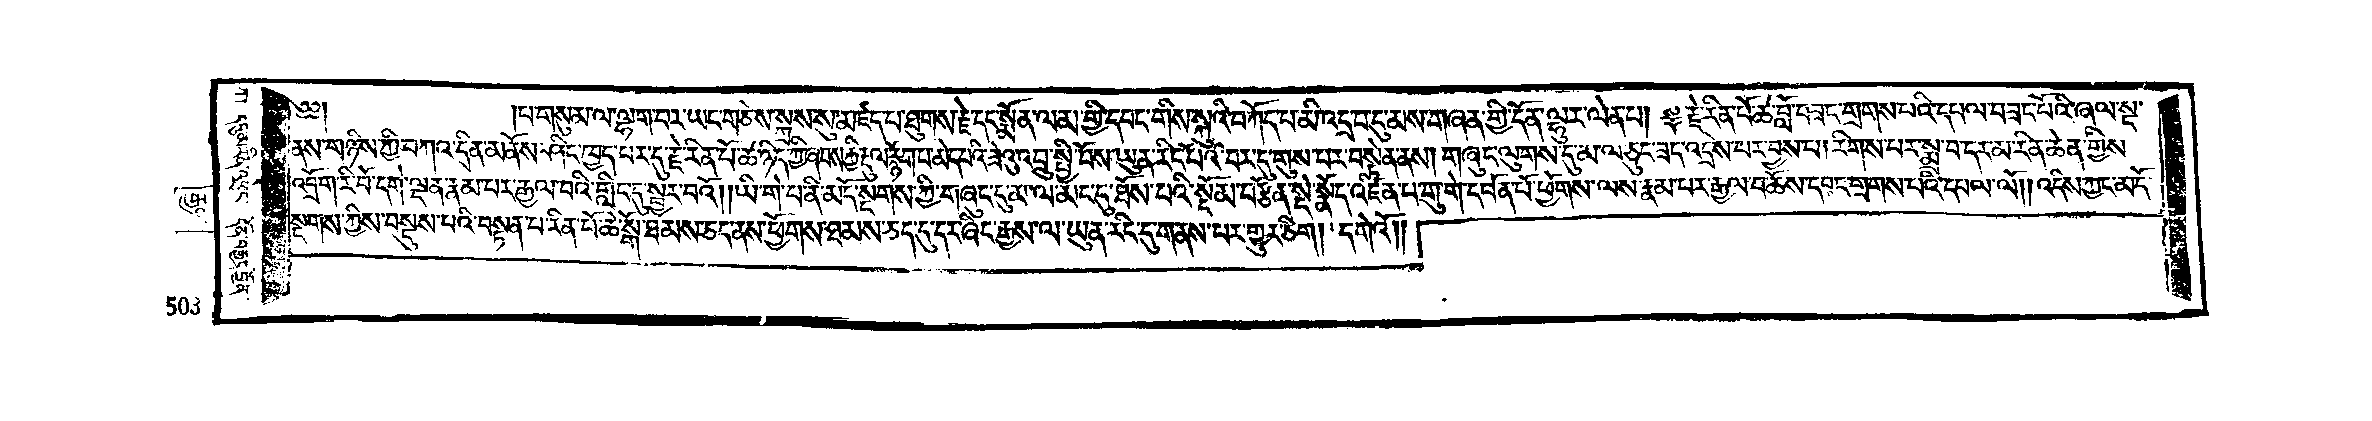༄༅། །པ་གསུམ་ལ་ལྷག་པར་ཡང་གཅེས་སྐྲས་སུ་མཛད་པ་ཐུགས་རྗེ་དང་སྨོན་ལམ་གྱི་དབང་གིས་སྐུའི་བཀོད་པ་མི་འདྲ་བ་དུ་མས་གཞན་གྱི་དོན་ལྷུར་ལེན་པ། ༈ རྗེ་རིན་པོ་ཆེ་བློ་བཟང་གྲགས་པའི་དཔལ་བཟང་པོའི་ཞལ་སྔ་
ནས་གཉིས་ཀྱི་བཀའ་དྲིན་མནོས་ཤིང་ཁྱད་པར་དུ་རྗེ་རིན་པོ་ཆེ་ཉིད་ཀྱི་ཞབས་རྐྱི་རྡུལ་རྙོག་པ་མེད་པའི་ཟེའུ་འབྲུ་སྤྱི་བོས་ཡུན་རིང་པོའི་བར་དུ་གུས་པར་བསྟེན་ནས། གཞུང་ལུགས་དུ་མ་ལ་ཅུང་ཟད་འདྲེས་པར་བྱས་པ། རིགས་པར་སྨྲ་བ་དར་མ་རིན་ཆེན་གྱིས་
འབྲོག་རི་བོ་དགེ་ལྡན་རྣམ་པར་རྒྱལ་བའི་གླིང་དུ་སྦྱར་བའོ། །ཡི་གེ་པ་ནི་མདོ་སྔགས་ཀྱི་གཞུང་དུ་མ་ལ་མང་དུ་ཐོས་པའི་སྡོམ་བརྩོན་སྡེ་སྣོད་འཛིན་པ་གུ་གེ་དབོང་པོ་ཕྱོགས་ལས་རྣམ་པར་རྒྱལ་བ་ཆོས་དབང་གྲགས་པའི་དཔལ་ལོ། །འདིས་ཀྱང་མདོ་
སྔགས་ཀྱིས་བསྡུས་པའི་བསྟན་པ་རིན་པོ་ཆེ་སྒོ་ཐམས་ཅད་ནས་ཕྱོགས་ཐམས་ཅད་དུ་དར་ཞིང་རྒྱས་ལ་ཡུན་རིང་དུ་གནས་པར་གྱུར་ཅིག །དགེའོ། །